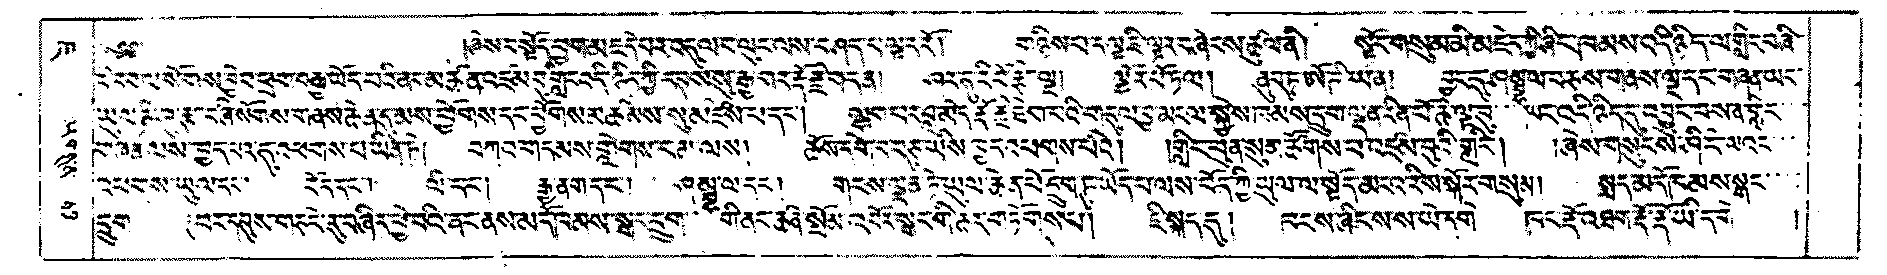༄༅། །ཞེས་བསྟོད་ཕྱག་མཛད་པར་འདུལ་བ་ལུང་ལས་བཤད་པ་ལྟར་རོ། གཉིས་པ་ད་ལྟ་ཇི་ལྟར་བཞེངས་ཚུལ་ནི། སྟོང་གསུམ་མི་མཇེད་ཀྱི་ཞིང་ཁམས་འདི་ཉིད་ལ་གླིང་བཞི་
རི་རབ་ལ་སོགས་བྱེ་བ་ཕྲག་བརྒྱ་ཡོད་པའི་ནང་མཚན་འཛམ་བུ་གླིང་འདི་ཉིད་ཀྱི་དབུས་སུ་རྒྱ་གར་རྡོ་རྗེ་གདན། ཤར་དུ་རི་བོ་རྩེ་ལྔ། ལྷོར་པོ་ཏ་ལ། ནུབ་ཏུ་ཨོ་ཊི་ཡ་ན། བྱང་དུ་ཤམྦྷ་ལ་བཅས་གནས་ལྔ་དང་གཞན་ཡང་
ཡུལ་ཉི་ཤུ་རྩ་བཞི་སོགས་གནས་ཆེན་དུ་མས་ཕྱོགས་དང་ཕྱོགས་མཚམས་སུ་མཛེས་པ་དང་། ལྷག་པར་བླ་མེད་རྡོ་རྗེ་ཐེག་པའི་གདུལ་བྱ་མངལ་སྐྱེས་ཁམས་དྲུག་ལྡན་རིན་པོ་ཆེ་ལྟ་བུ་ཡང་འདི་ཉིད་དུ་འབྱུང་བས་ན་གླིང་
གཞན་ལས་ཁྱད་པར་དུ་འཕགས་པ་ཡིན་ཏེ། བཀའ་གདམས་གླེགས་བམ་ལས། ཆོས་དགེ་བ་བཅུ་ཡིས་ཁྱད་འཕགས་པའི། །གླིང་ཕུན་སུམ་ཚོགས་པ་འཛམ་བུའི་གླིང་། །ཞེས་གསུངས་ཤི་དེ་ལའང་
འཕགས་ཡུལ་དང་། བོད་དང་། ལི་དང་། རྒྱ་ནག་དང་། ཤམྦྷ་ལ་དང་། གངས་ལྡན་ཏེ་ཡུལ་ཆེན་པོ་དྲུག་ཏུ་ཡོད་པ་ལས་བོད་ཀྱི་ཡུལ་ལ་སྟོད་མངའ་རིས་སྐོར་གསུམ། སྨད་མདོ་ཁམས་སྒང་
དྲུག །བར་དབུས་གཙང་རུ་བཞིར་ཕྱེ་བའི་ནང་ནས་མདོ་ཁམས་སྒང་དྲུག་གི་ནང་ཚན་སྤོམ་འབོར་སྒང་གི་ཆར་གཏོགས་པ། ཇི་སྐད་དུ། ཁང་ས་ཞིང་ས་ས་ཡེ་དགེ །ཁང་རྡོ་འཐག་རྡོ་རྡོ་ཡི་དགེ །